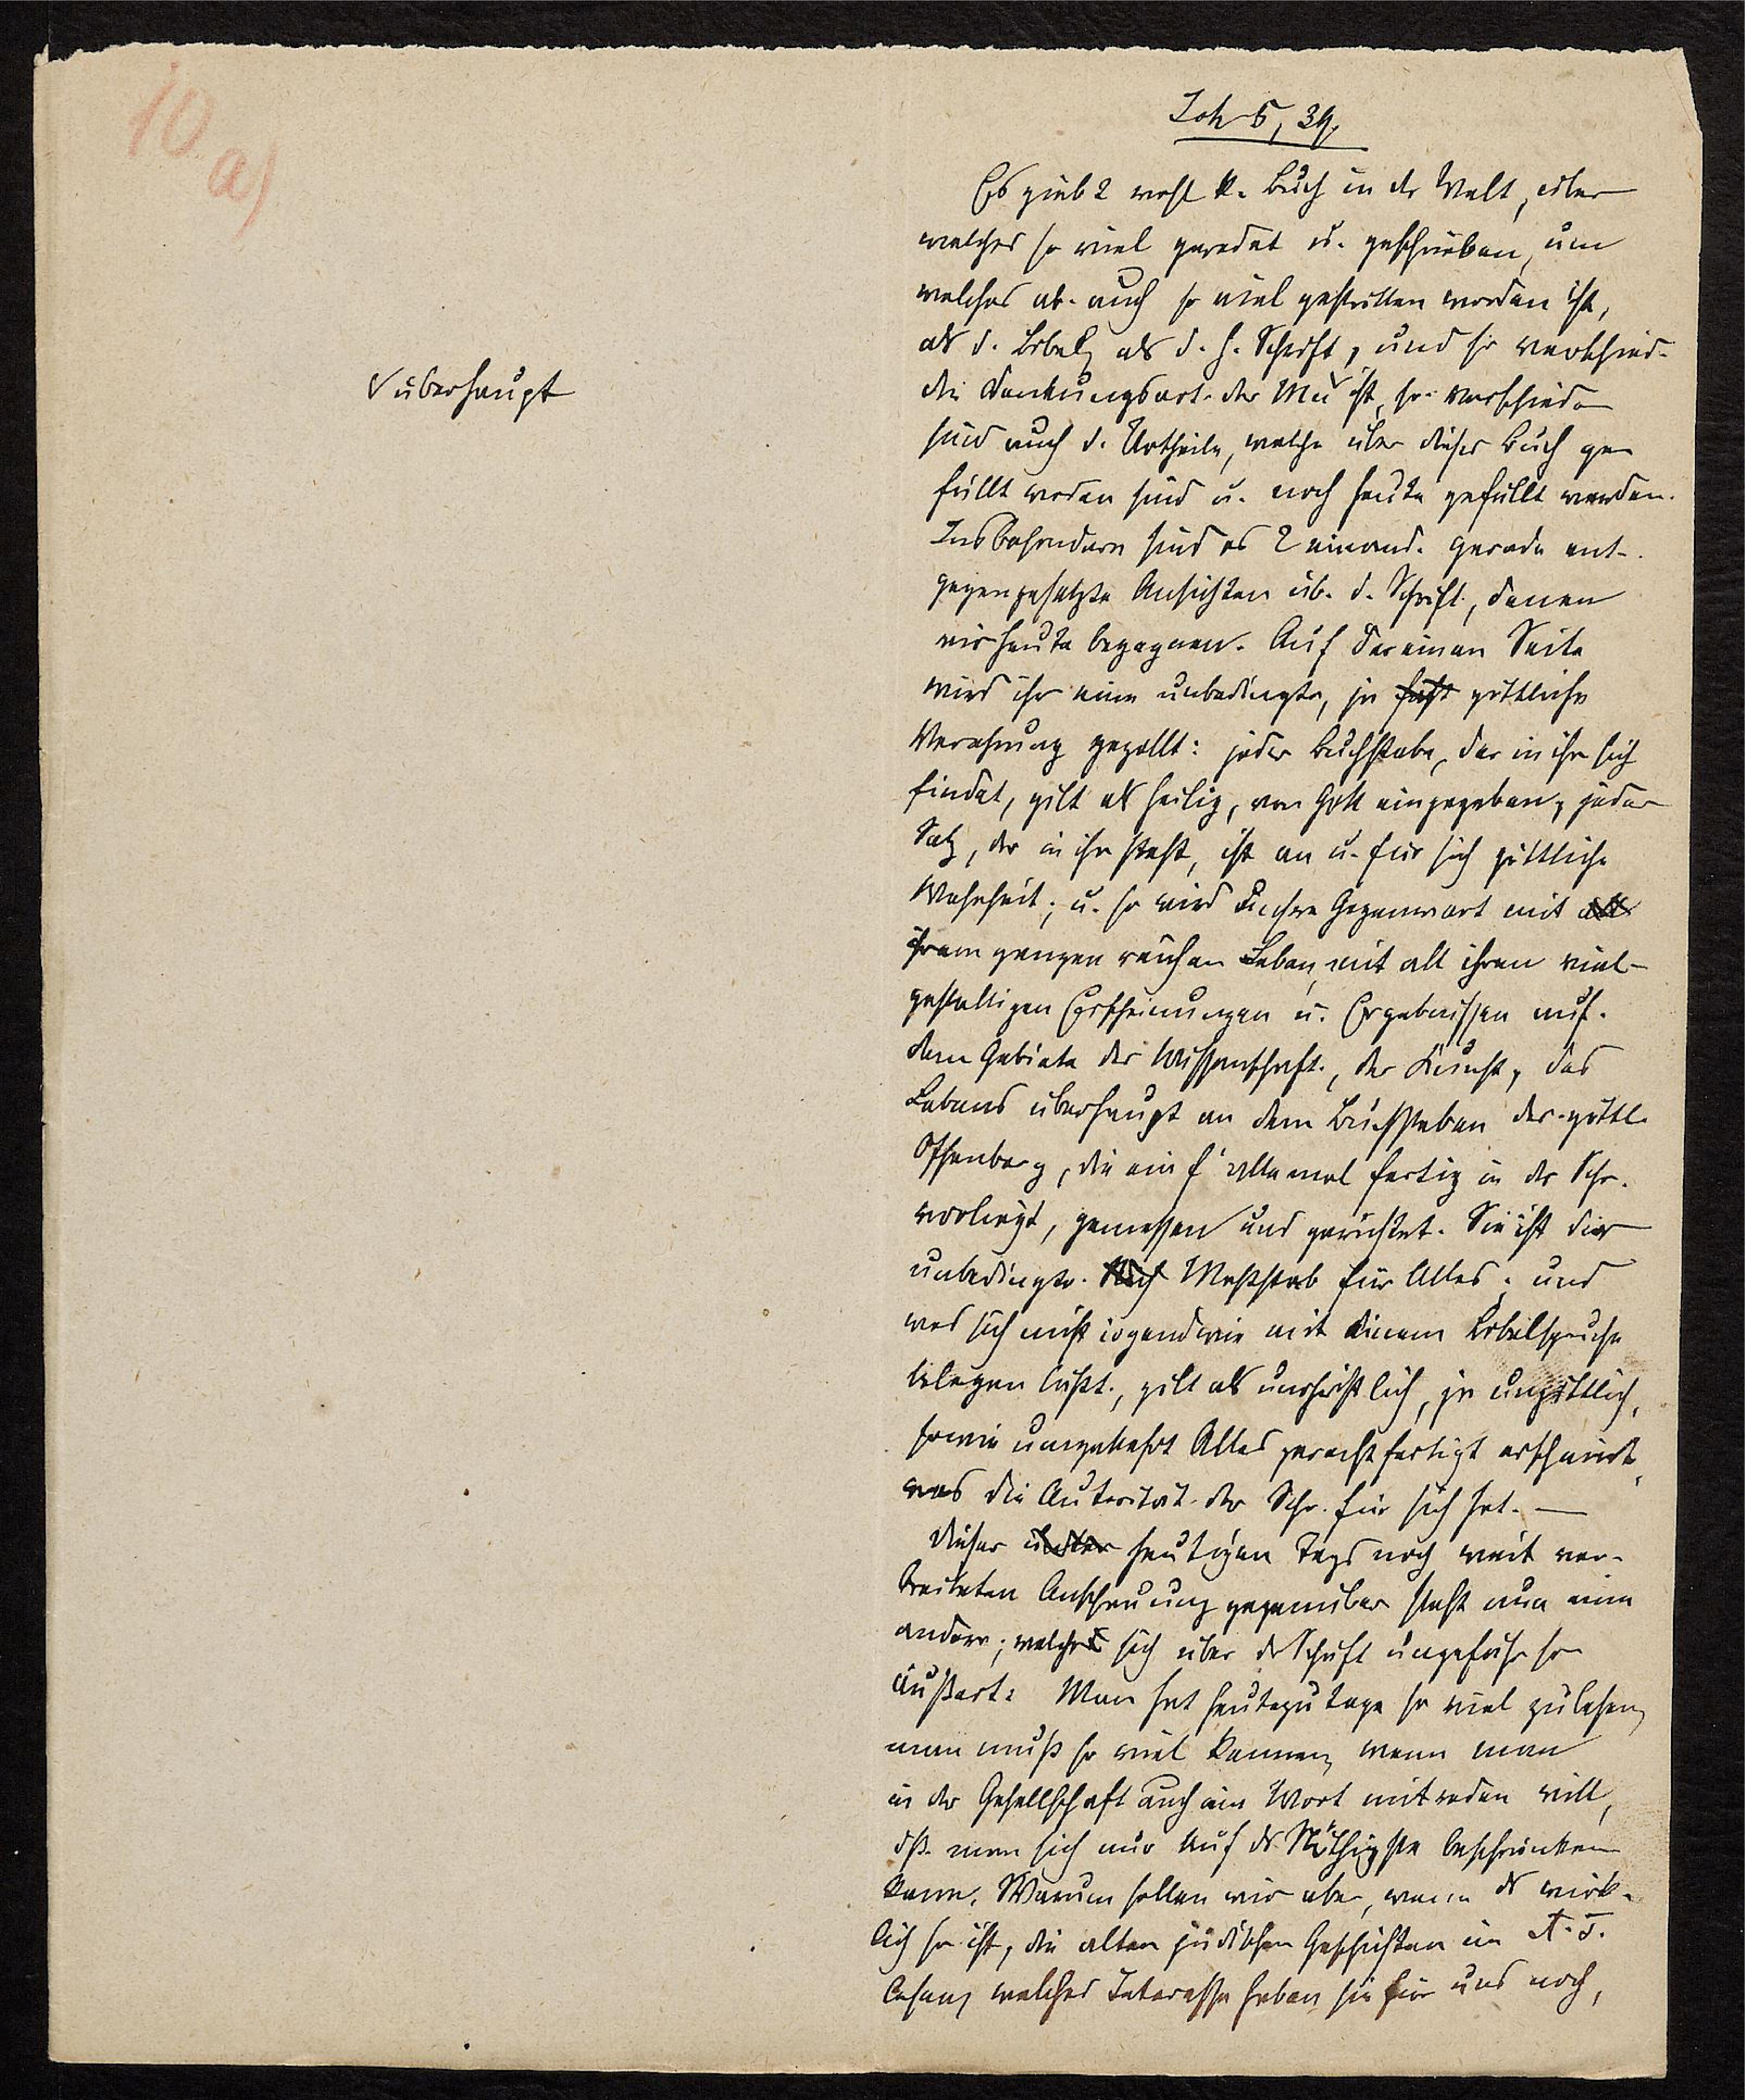V überhaupt
Joh 5,39.
Es giebt wohl k. Buch in dr Welt, über
welches so viel geredet u. geschrieben, um
welches ab. auch so viel gestritten worden ist,
as d. Bibel, als d. H. Schrift, und so verschied.
die Denkungsart der Mn ist, so verschieden
sind auch d. Urtheil welche über dieser Buch ge¬
fällt worden sind u. noch heute gefällt werden.
Insbeondern sind es 2 einand. gerande ent¬
gegengesetzte Ansichten üb. d. Schrift, denen
wir heute begegenen. Auf der einen Seite
wird ihr eine unbedingte, jn fast göttliche
Verehrung gezollt: jeder Buchstebe, der in ihr sich
findet, gilt als heilig, von Gott eingegeben, jeder
Salz, dr in ihr steht, ist an u. für sich göttliche
Wahrheit u. so wird unsre Gegenweart mit all
ihrem ganzen reichen Leben, mit all ihren viel¬
gehaltigen Erscheinungen u. Ergebnissen auf.
dem Gebiete der Wissenschaft., der Kunst, des
Lebens überhaupt an dem Buchstaben der göttl.
Offenbarg, die ein f allemal fertig in dr Schr.
vorliegt, gemessen und gerüstet. Sie ist der
unbedingte. Reich Maßstab für Alles. und
was sich nicht irgendwie mit einem Bibelspruche
belegen läßt, gilt als unchristlich, ja ungeistlich,
sowie unangetest Alles gerechtfertigt erscheint,
was die Autorität der Schr. für sich hat. _
dieser unter heutigen Tags noch weit ver¬
breiteten Anschauung gegenüber steht nun eine
andere, welches sich über d. Schrift ungeführ so
äußert: Man hat heutzutage so viel zu lesen,
man muß so viel kennen, wenn man
in der Geselschaft auch ein Wort mittreden will
dß man sich nur Auf ds Nöthigste beschränken
kann. Warum sollen wir aber, wenn ds wirk¬
lich so ist, die alten jüdishen Geschichten im A. T.
lesen, welches Interesse haben sie fein uns noch,